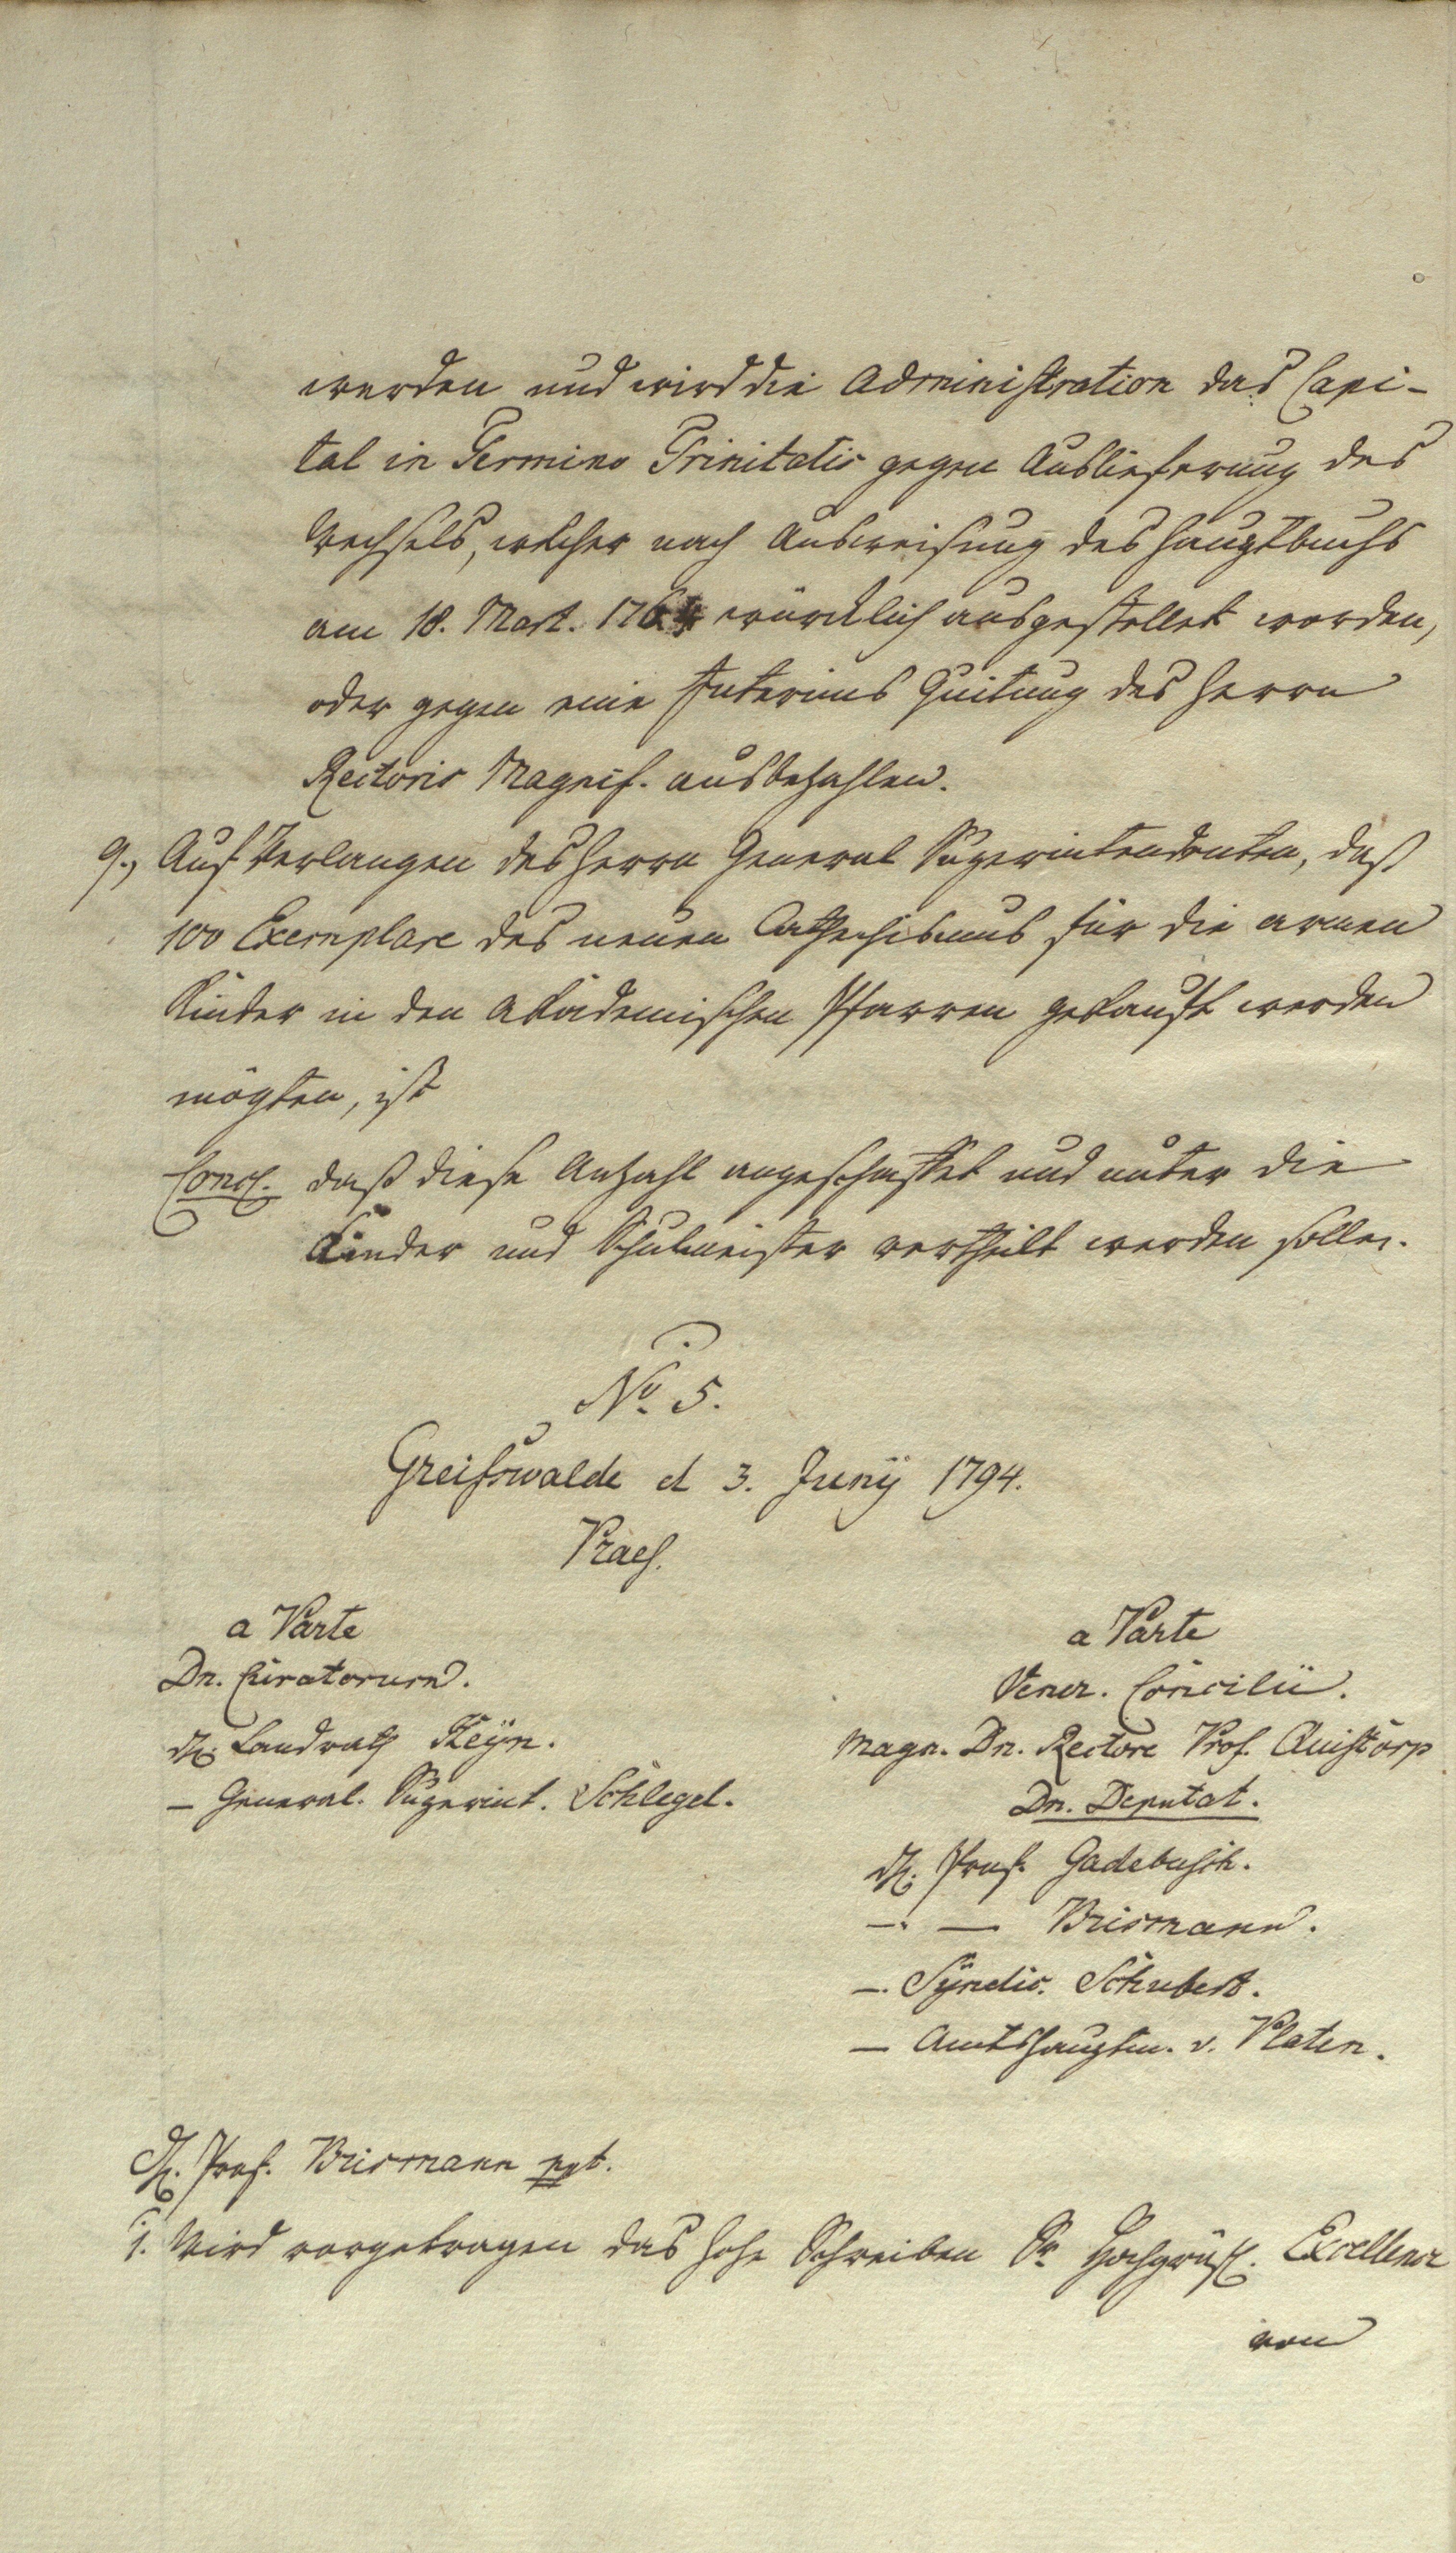werden und wird die Administration das Capi¬
tal in Termino Trinitatis gegen Auslieferung des
Wechsels, welcher nach Ausweisung des Hauptbuchs
am 18. Mart. 1764 würklich ausgestellet worden,
oder gegen eine interims Quitung des Herrn
Rectoris Magnif. ausbezahlen.
9., Auf Verlangen des Herrn General Superintendenten, daß
100 Exemplare des neuen Cathechismus für die armen
Kinder in den akademischen Pfarren gekauft werden
mögten, ist
Concl. daß diese Anzahl angeschaffet und unter die
Kinder und Schulmeister vertheilt werden solle.
No. 5
Greifswalde d 3. Juny 1794
Praes.
a Parte
Dn. Curatorum.
dh. Landrath Heyn.
- General Superint. Schlegel.
a Parte
Vener. Concilii.
Magn. Dn. Rectore Prof. Quistorp
Dn. Deputat.
dh. Prof. Gadebusch.
- " - Brismann.
- Syndic. Schubert.
- Amtshauptm. v. Platen
dh. Prof. Brismann ppt.
1. Wird vorgetragen das hohe Schreiben Sr. hochgräfl. Excellence
vom